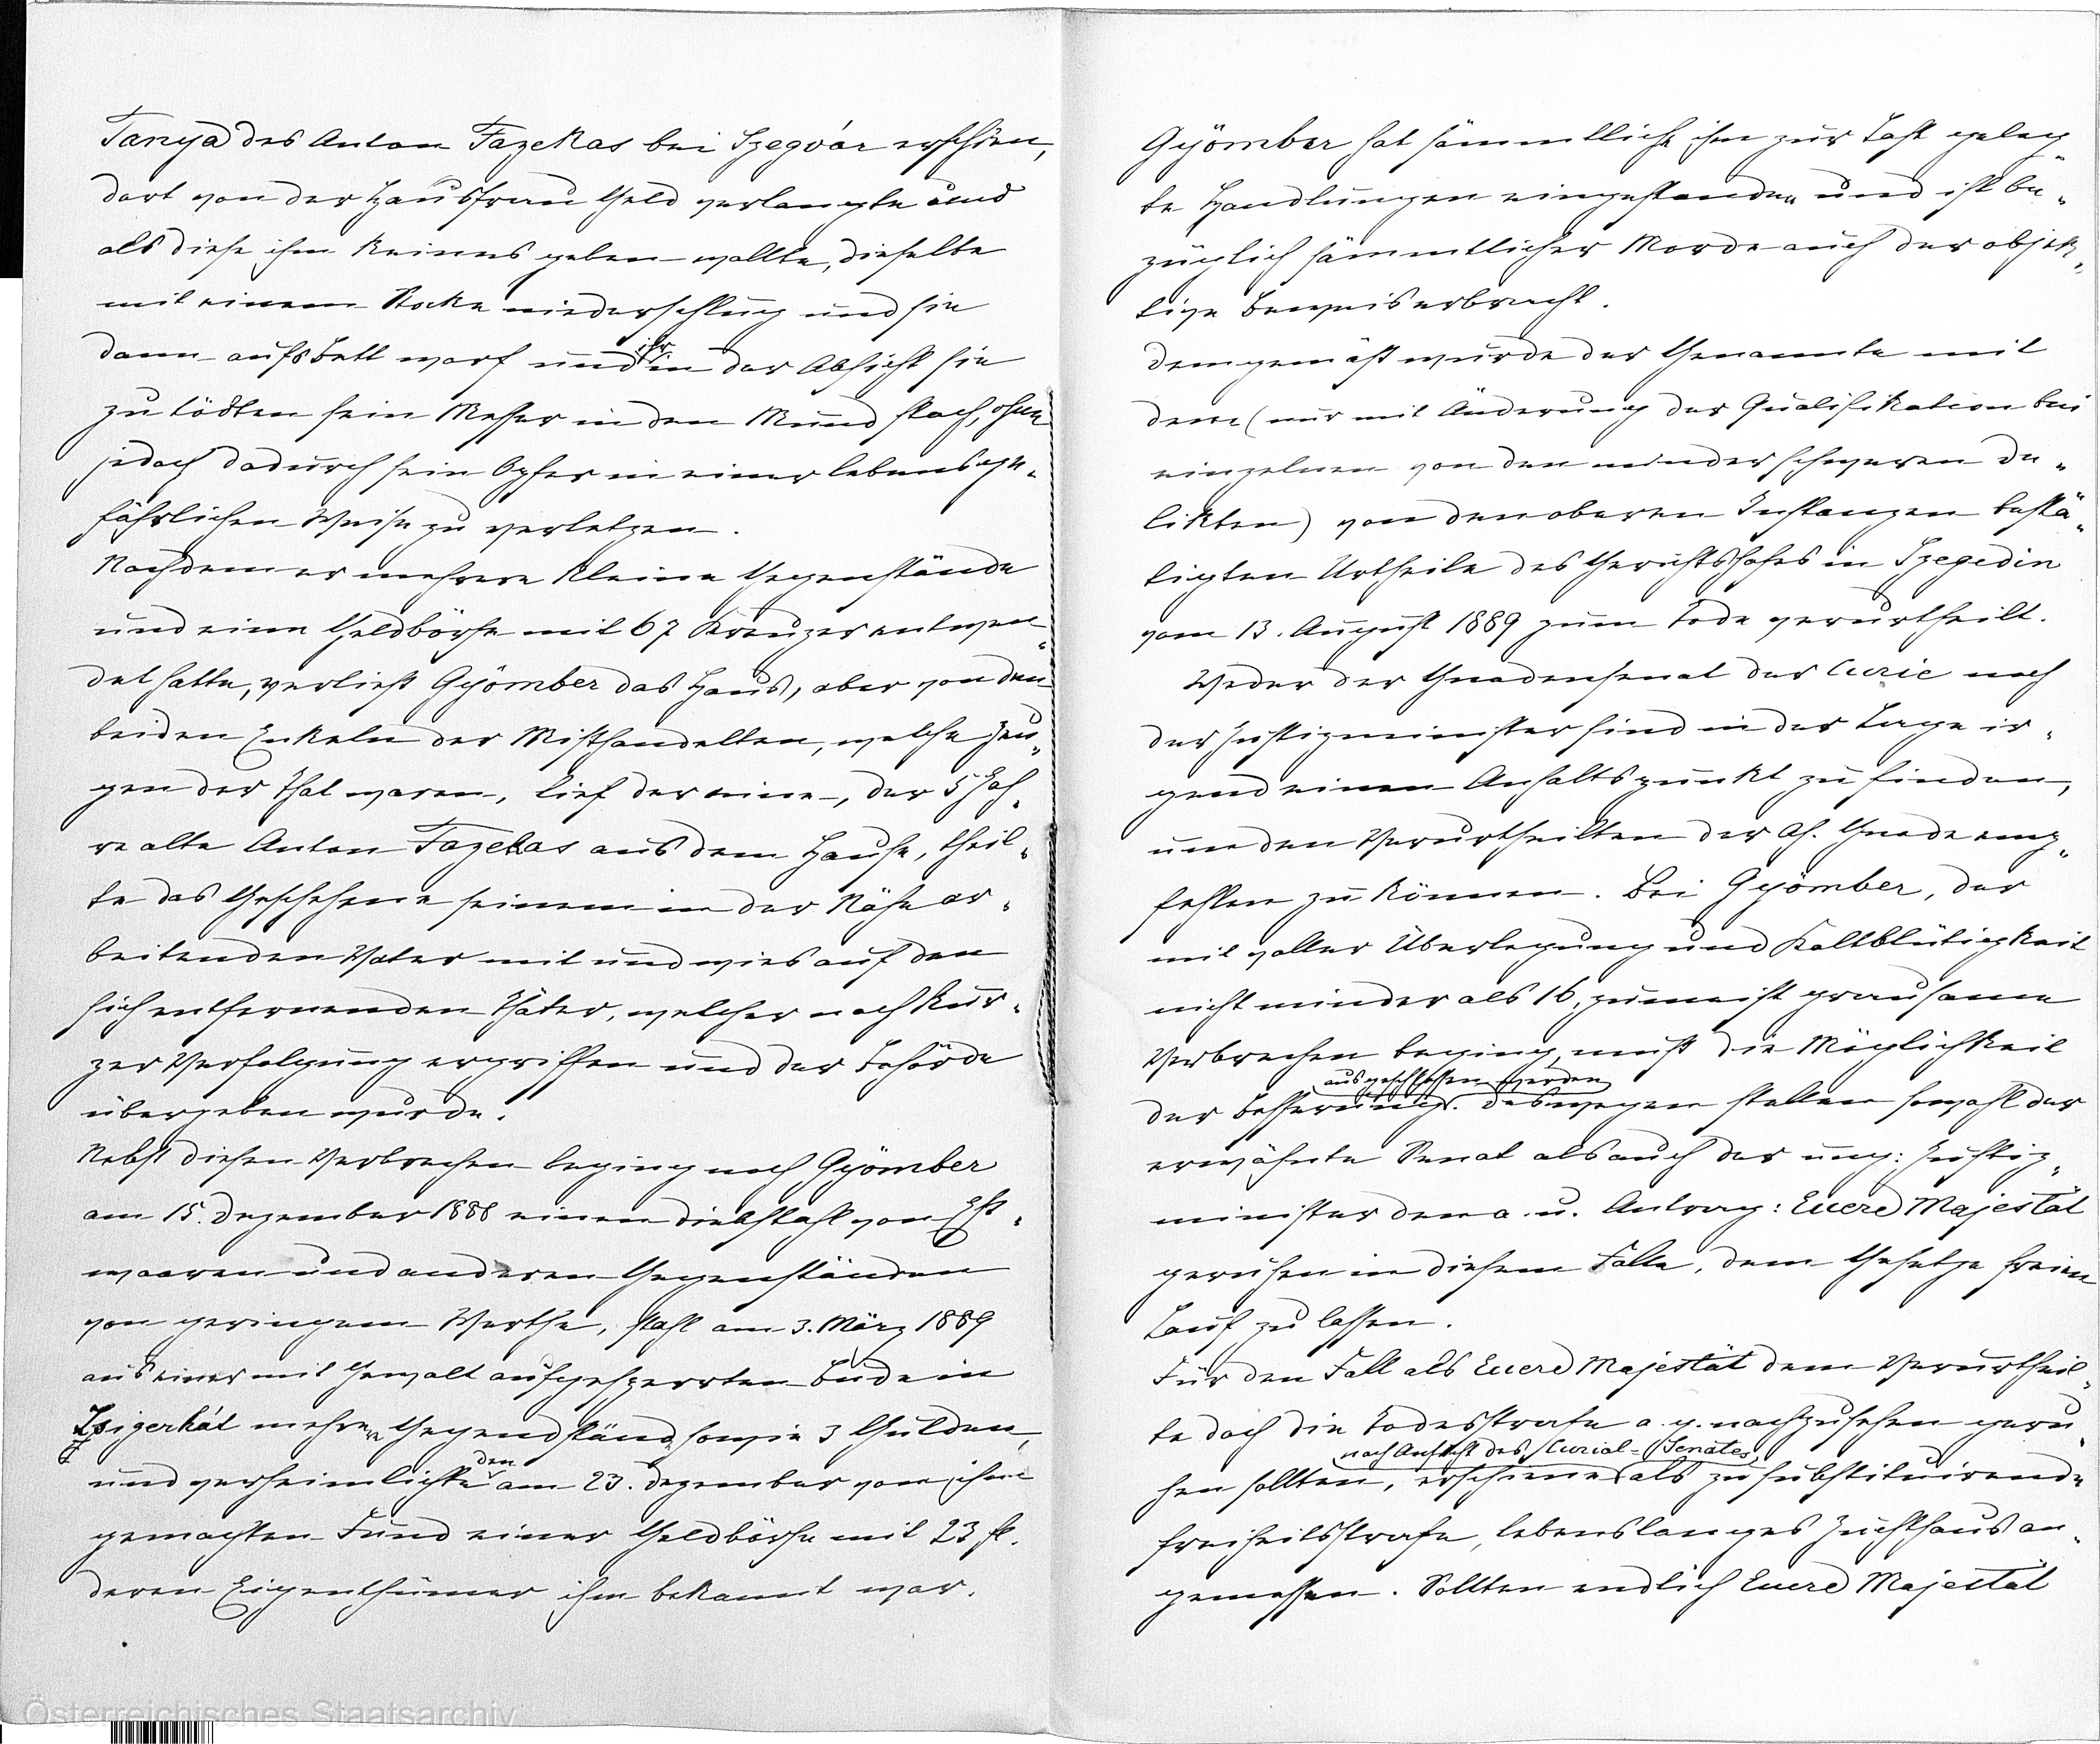Tanya des Anton Fazekas bei Szegvár erschien,
dort von der Hausfrau Geld vorlangte und
als diese ihm Keines geben wallte, dieselte
mit einem Stocke niederschlug und sie
ihr
dann aufsbett warf und in dar Absicht sie
zu tödten sein Messer in den Mund flach, ohne
jedoch dadurch sein Opfer in einer lebensge¬
fährlichen Weise zu verletzen.
Nachdem er mehrere Kleine Gegenstände
und eine Geldbörse mit 67 Kreuzerentwen¬
det hatte, verließ Gyömber das Haus, aber von den
beiden Enkeln der Misthandelten, welche zeu¬
gen der Thal waren, lief der eine, der 5 Jah¬
re alte Anton Fazekas aus dem Hause, theil¬
te das Geschehene seinem in der Nähe ar¬
beitenden Vater mit und wies auf den
sich entfernenden Thäter, welcher nachkur¬
zer Verfolgung ergriffen und der Behörde
übergeben wurde.
Nebst diesen Verbrechen beging noch Gyömber
am 15. Dezember 1888 einem diebstahl von Est¬
waaren und anderen Gegenständen
von geringem Werthe, stahl am 3. März 1889
aus eines mit Gewalt aufgesperrten bude in
Tsigerkát mehrere Gegend stände sowie 3 Gulden,
den
und verheimlichte am 23. Dezember vom ihm
gemachten Fund einer Geldbärhn mit 23 fl.
deren Eigenthümer ihm bekannt war.
Gyömber hat sämmtliche ihm zur Last geleg¬
te Handlungen eingestanden und ist be¬
züglich sämmtlicher Morde auch der objek¬
tive beweiserbrecht.
Dem gemäß wurde der Genannte mit
dem (nur mit Änderung der Qualifikation bei
einzelnen von den minder schweren de¬
likten) von den oberen Instanzen bestä¬
tigten Urtheile des Gerichtshofes in Szegedin
vom 13. August 1889 zum tode verurtheilt.
Weder der Gnadensenat der Curic noch
der Justizminister sind in der Lage ir¬
gend einen Anhaltspunkt zu finden,
um den Verurtheilten der Ah. Gnade emp¬
fehlen zu können. Bei Gyömber, der
mit voller Überlegung und Kaltblütigkeit
nicht minder als 16, zu meist grausame
verbrechen beging, meist die Möglichkeit
aus geschlossen werden
der Besserung. Deswegen stellen sowohl der
erwähnte Senat als auch der ung: Justiz¬
minister den a. u. Antrag: Euere Majestät
geruhen in diesem Falte, dem Gesetze freien
Lauf zu lassen.
Für den Falt als Euere Majestät dem Verurtheil¬
te doch die Todesstrafe a. g. nachzusehen geru¬
nach Ansucht des Curial-Senates
hen sollten, erschiene als zu substituirende
Freiheitsstrafe, lebenslanges Zuchthaus an¬
gemessen. Sollten endlich Euere Majestät